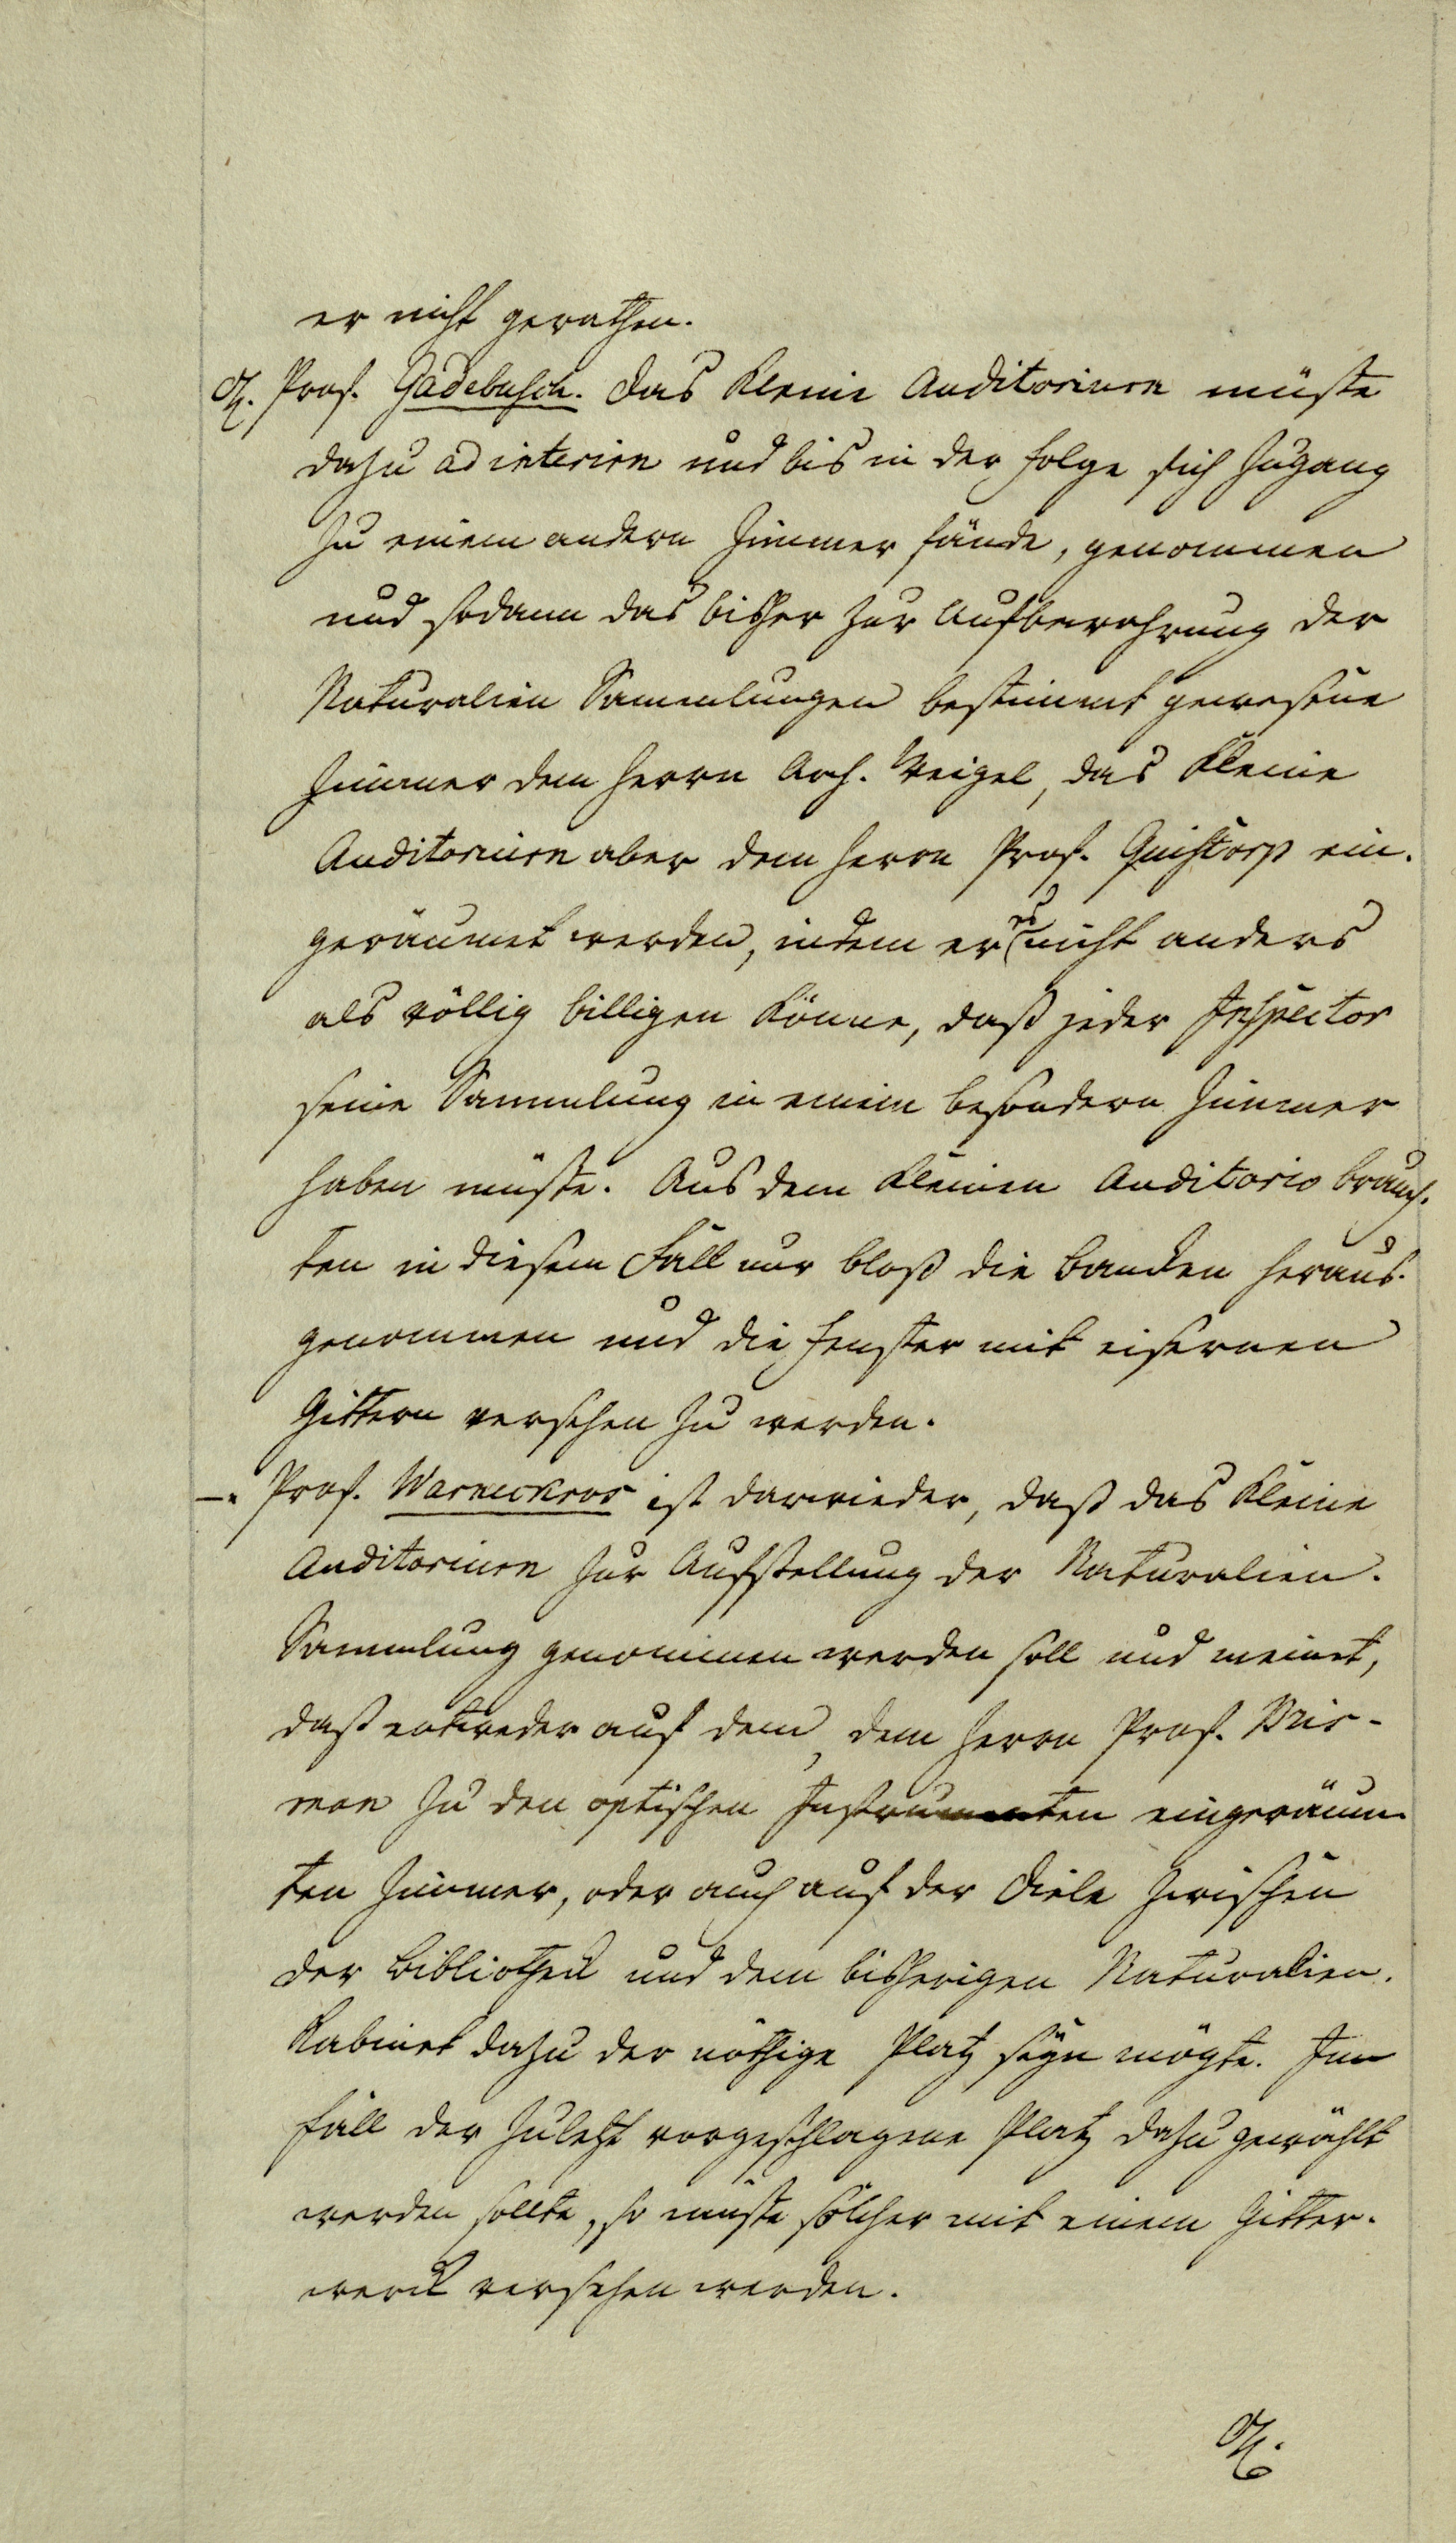er nicht gerathen.
dh. Prof. Gadebusch. Das kleine Auditorium müßte
dazu ad interim und bis in der Folge sich Zugang
zu einem andern Zimmer fände, genommen
und sodann das bisher zur Aufbewahrung der
Naturalien Sammlungen bestimmt gewesene
Zimmer dem Herrn Arch. Weigel, das kleine
Auditorium aber dem Herrn Prof. Quistorp ein¬
geräumet werden, indem er es nicht anders
als völlig billigen könne, daß jeder Inspector
seine Sammlung in einem besondern Zimmer
haben müßte. Aus dem kleinen Auditorio brauch¬
ten in diesem Fall nur bloß die Bancken heraus¬
genommen und die Fenster mit eisernen
Gittern versehen zu werden.
Prof. Warneckros ist darwieder, daß das kleine
Auditorium zur Aufstellung der Naturalien¬
Sammlung genommen werden soll und meinet,
daß entweder auf dem dem Herrn Prof. Bris¬
man zu den optischen Instrumenten eingeräum¬
ten Zimmer, oder auch auf der Diele zwischen
der Bibliotheck und dem bisherigen Naturalien¬
Kabinet dazu der nöthige Platz seÿn mögte. Im
Fall der zuletzt vorgeschlagene Platz dazu gewählt
werden sollte, so müßte solcher mit einem Gitter¬
werck versehen werden.
dh.